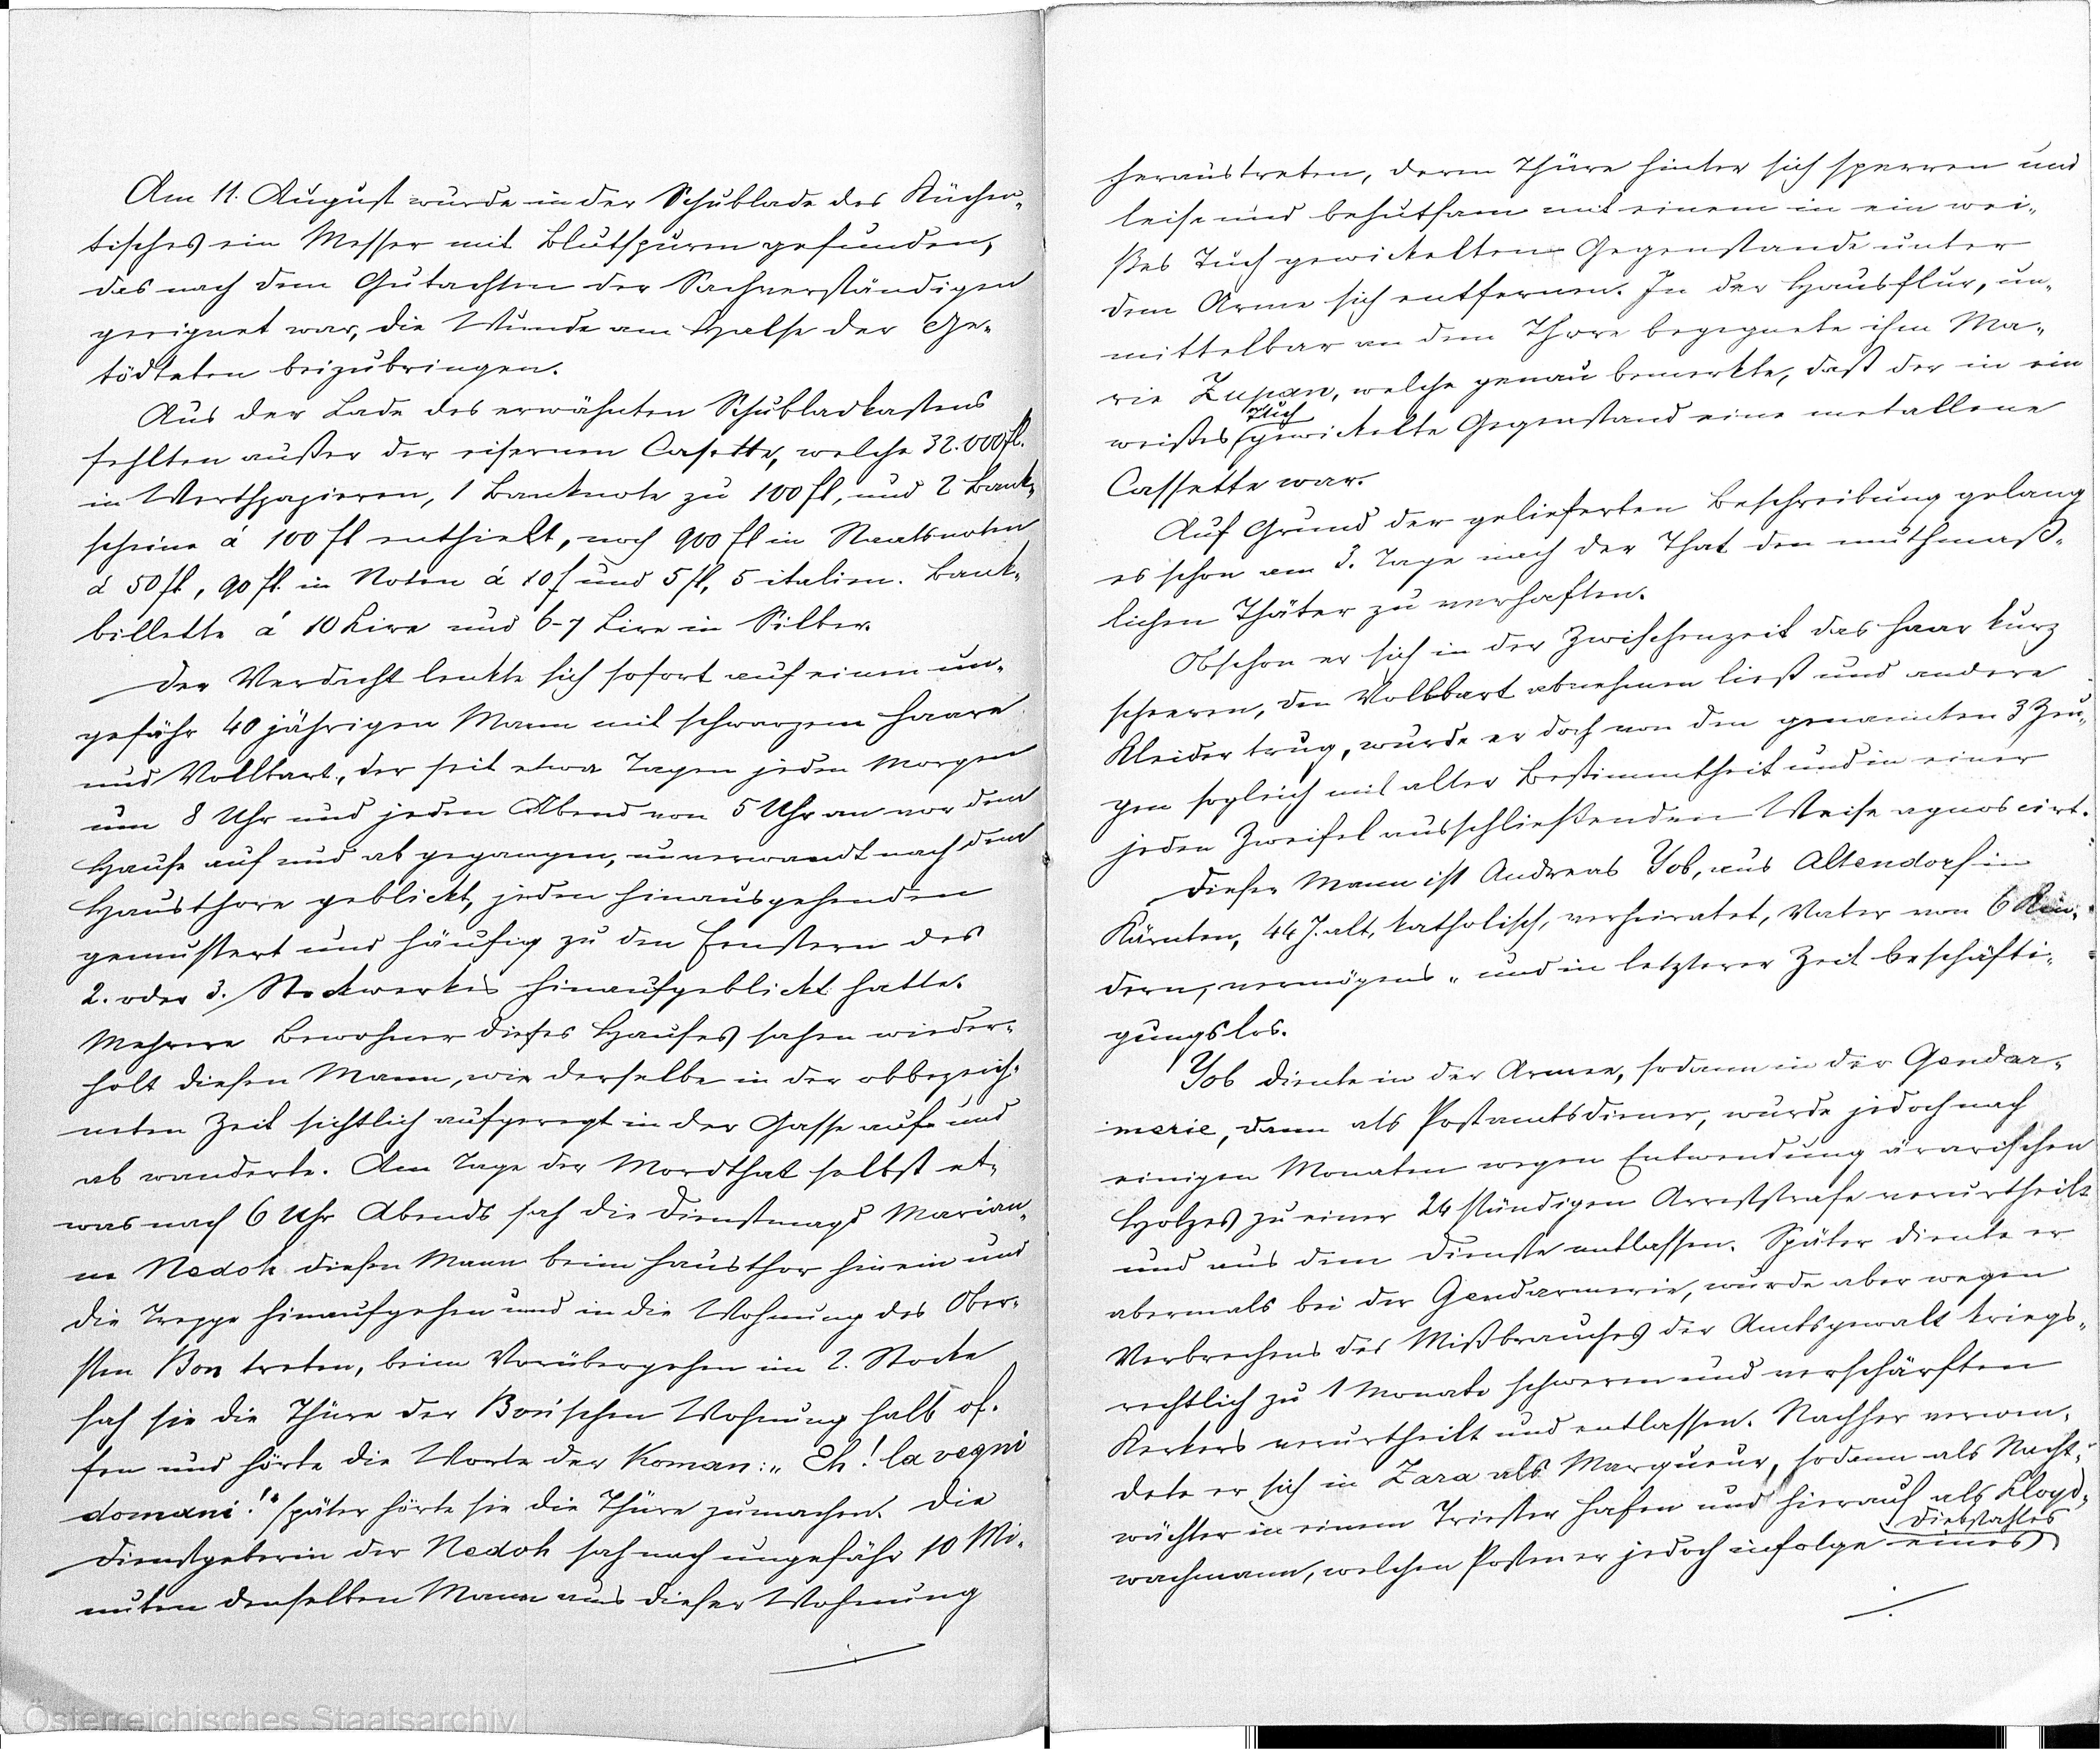Am 11. August wurde in der Schublade des Küchen¬
tisches ein Messer mit Blutspuren gefunden,
das nach dem Gutachten der Sachverständigen
geeignet war, die Wunde am Halse der Ge¬
tödteten beizubringen.
Aus der Lade des erwähnten Schubladkastens
fehlten außer der eisernen Casette, welche 32,000 fl
in Werthpapieren, 1 Banknote zu 100 fl und 2 Bank¬
scheine à 100 fl enthielt, noch 900 fl in Staatsnoten
à 50 fl, 90 fl in Noten à 10 f und 5 fl, 5 italien. Bank¬
billette à 10 Lire und 6-7 Lire in Silber.
Der Verdacht lenkte sich sofort auf einen un¬
gefähr 40jährigen Mann mit schwarzen Haare
und Vollbart, der seit etwa Tagen jeden Morgen
um 8 Uhr und jeden Abend von 5 Uhr an vor dem
Hause auf und ab gegangen, unverwandt nach dem
Hausthore geblickt, jeden hinausgehenden
gemustert und häufig zu den Fenstern des
2. oder 3. Stockwerkes hinaufgeblickt hatte.
Mehrere Bewohner dieses Hauses sahen wieder¬
holt diesen Mann, wie derselbe in der obbezeich¬
neten Zeit sichtlich aufgeregt in er Gasse auf und
ab wanderte. Am Tage der Mordthat selbst et¬
was nach 6 Uhr Abends sah die Dienstmagd Marian¬
ne Nodol [?Nodok?] diesen Mann beim Hausthor hinein und
die Treppe hinaufgehen und in die Wohnung des Ober¬
sten Bon treten, beim Vorübergehen im 2. Stocke
hat sie die Thüre der Bonischen Wohnung halb of¬
fen und hörte die Worte der Koman: „Eh! La vegni
domani!“ Später hörte sie die Thüre zumachen. Die
Dienstgeberin der Nodoli sah nach ungefähr 10 Mi¬
nuten denselben Mann aus dieser Wohnung
heraustreten, deren Thüre hinter sich sperren und
leise und behutsam mit einem in ein wei¬
ßes Tuch gewickelten Gegenstande unter
dem Arme sich entfernen. In der Hausflur, un¬
mittelbar an dem Thore begegnete ihm Ma¬
ria Zupan, welche genau bemerkte, daß der in ein
Tuch
weißes gewickelte Gegenstand eine metallene
Casette war.
Auf Grund der gelieferten Beschreibung gelang
es schon am 3. Tage nach der That den muthmaß¬
lichen Thäter zu verhaften.
Obschon er sich in der Zwischenzeit das Haar kurz
scheeren, den Vollbart abnehmen ließ und andere
Kleider trug, wurde er doch von den genannten 3 Zeu¬
gen sogleich mit aller Bestimmtheit und in einer
jeden Zweifel ausschließenden Weise agnoscirt.
Dieser Mann ist Andreas Job, aus Altendorf in
Kärnten, 44 J. alt, katholisch, verheiratet, Vater von 6 Kin¬
dern, vermögens- und in letzterer Zeit beschäfti¬
gungslos.
Job diente in der Armee, sodann in der Gendar¬
merie, dann als Postamtsdiener, wurde jedoch nach
einigen Monaten wegen Entwendung ärarischen
Holzes zu einer 24stündigen Arreststrafe verurtheilt
und aus dem Dienste entlassen. Später diente er
abermals bei der Gendarmerie, wurde aber wegen
Verbrechens der Mißbrauches der Amtsgewalt kriegs¬
rechtlich zu 1 Monate schweren und verschärften
Kerkers verurtheilt und entlassen. Nachher verwen¬
dete er sich in Zara als Marqueur, sodann als Nacht¬
wächter in einem Triester Hafen und hierauf als Lloyd¬
Diebstahles
wachmann, welchen Posten er jedoch infolge eines